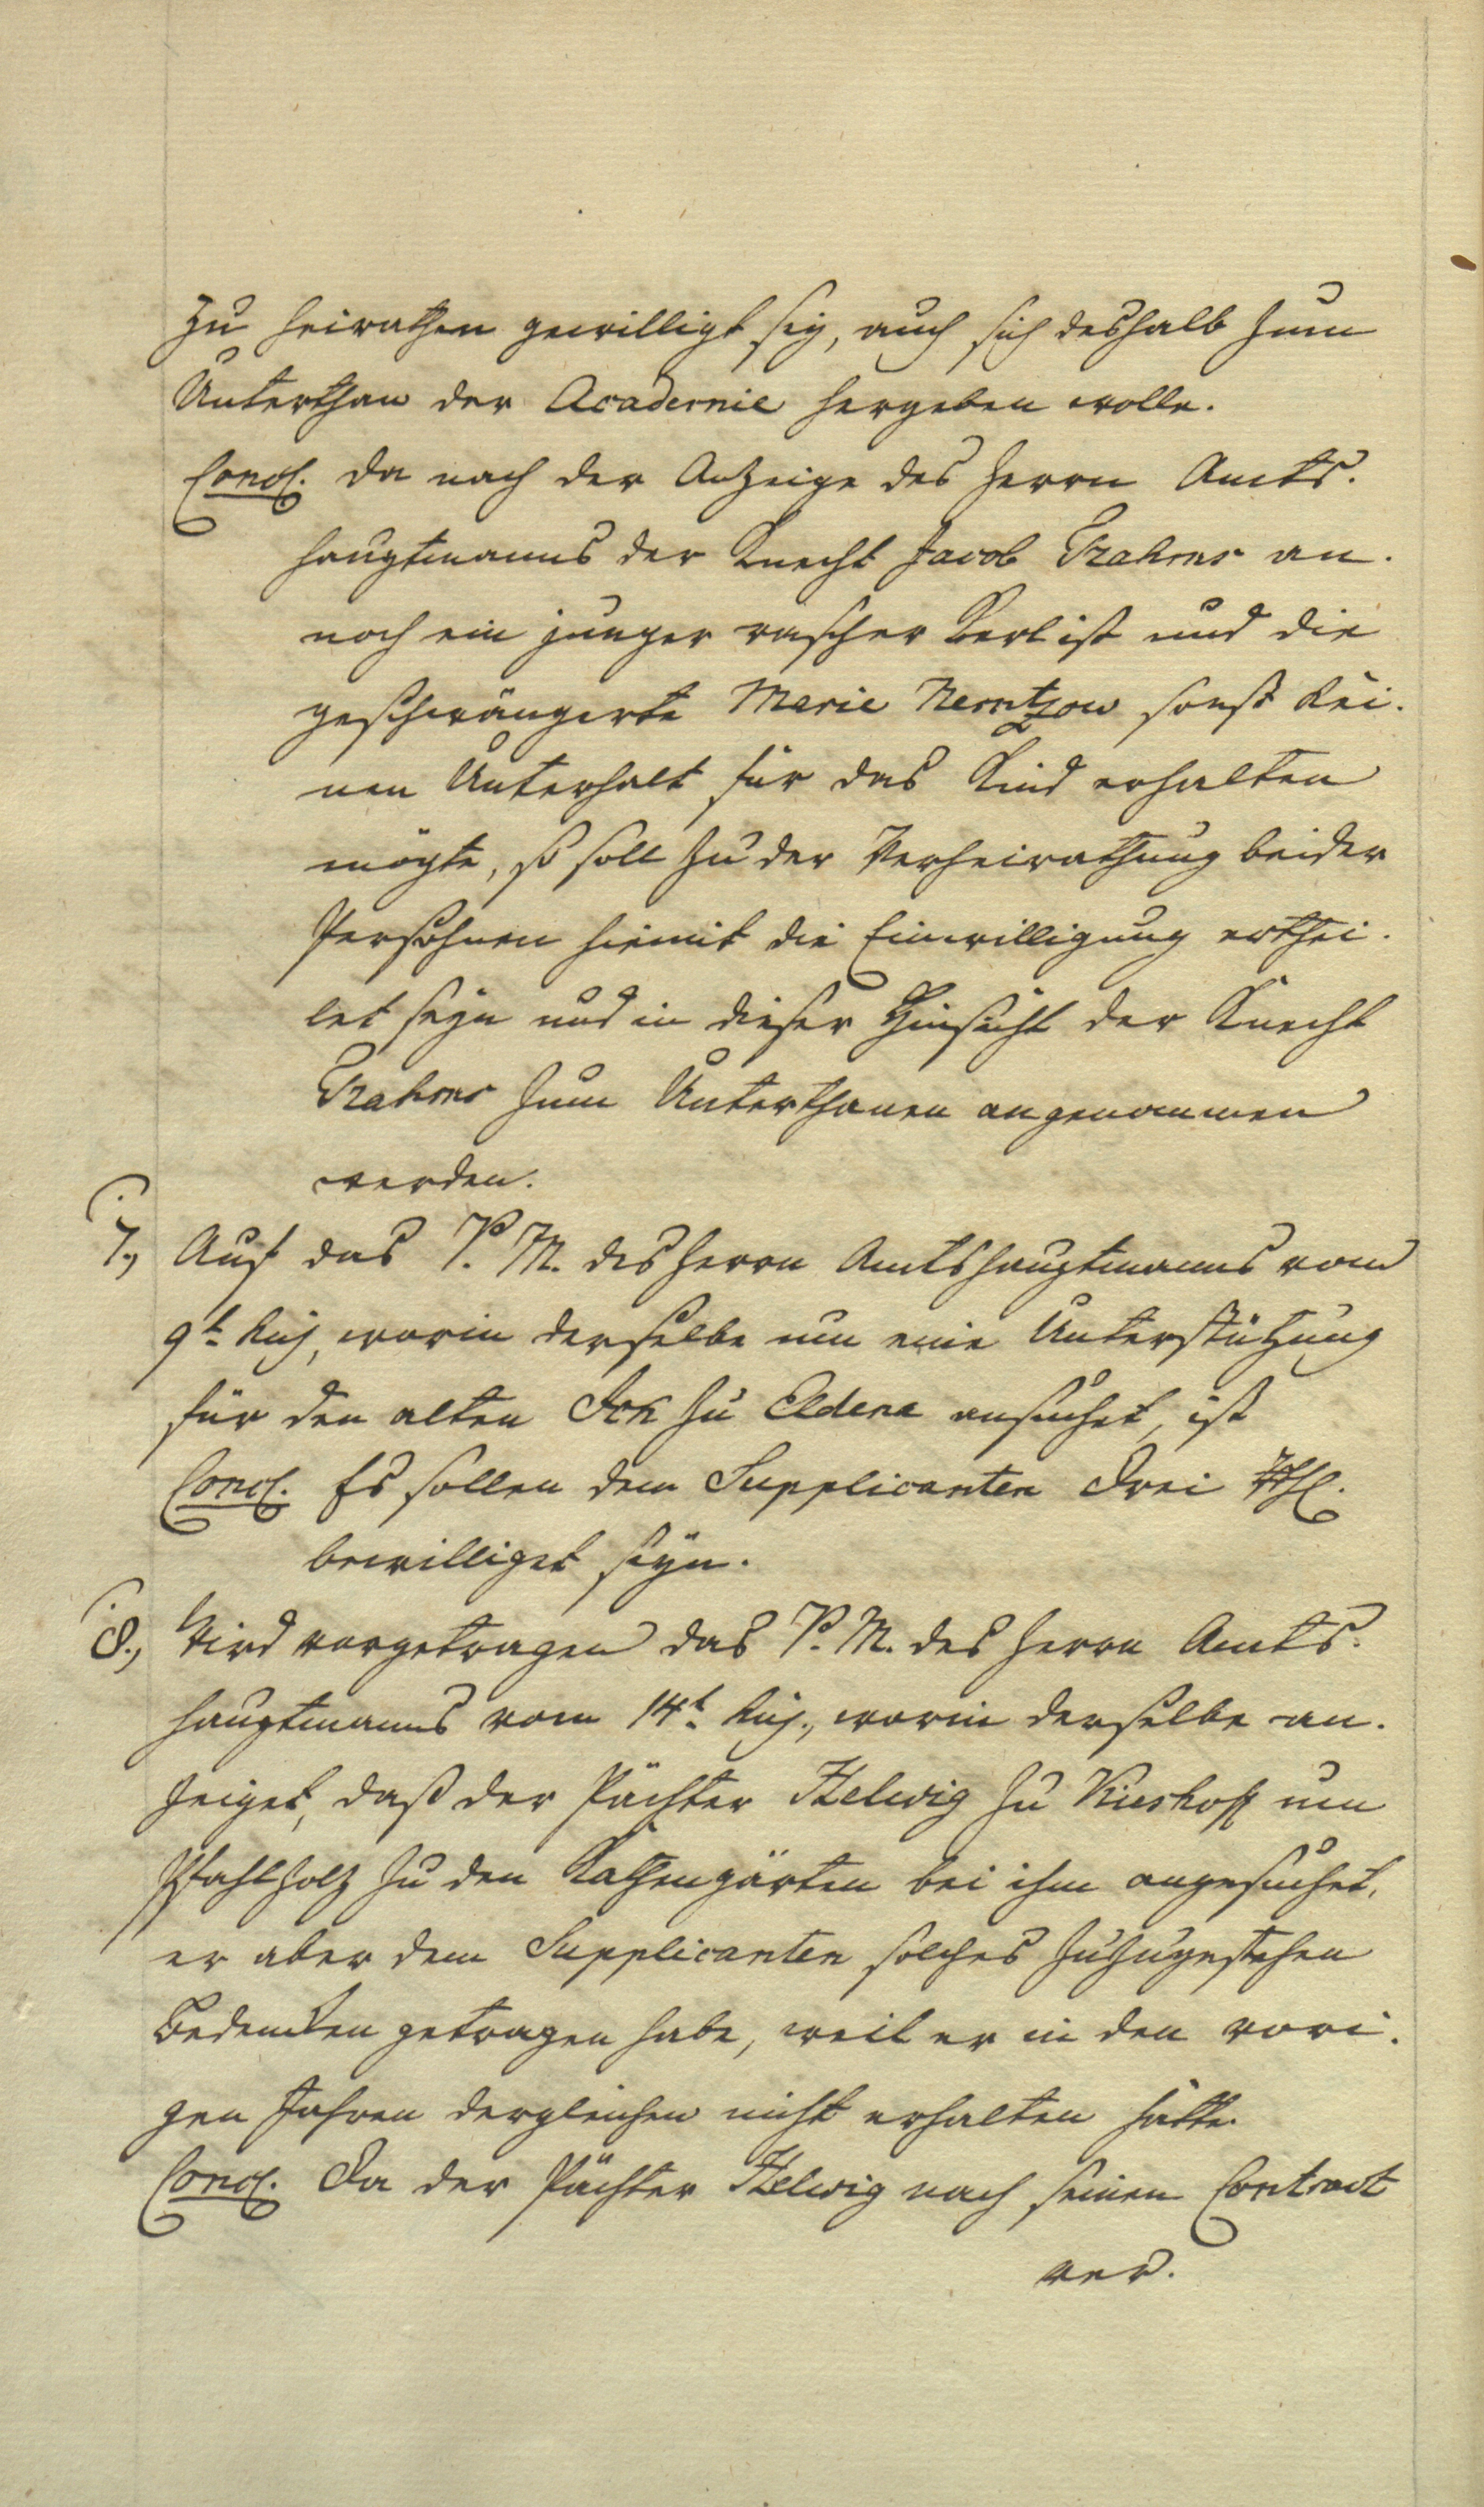zu heirathen gewilligt seÿ, auch sich deshalb zum
Unterthan der Academie hergeben wolle.
Concl. Da nach der Anzeige des Herrn Amts¬
hauptmanns der Knecht Jacob Trahms an¬
noch ein junger rascher Kerl ist und die
geschwängerte Merie Nemtzow sonst kei¬
nen Unterhalt für das Kind erhalten
mögte, so soll zu der Verheirathung beider
Persohnen hiemit die Einwilligung erthei¬
let seÿn und in dieser Hinsicht der Knecht
Trahms zum Unterthanen angenommen
werden.
7., Auf das P. M. des Herrn Amtshauptmanns vom
9 t huj, worin derselbe um eine Unterstützung
für den alten Ick zu Eldena ansuchet, ist
Concl. Es sollen dem Supplicanten Drei Rthl.
bewilliget seÿn.
8., Wird vorgetragen das P. M. des Herrn Amts¬
hauptmanns vom 14. huj., worin derselbe an¬
zeiget daß der Pächter Helwig zu Kieshoff um
Pfahlholz zu den Kathengärten bei ihm angesuchet,
er aber dem Supplicanten solches zuzugestehen
Bedencken getragen habe, weil er in den vori¬
gen Jahren dergleichen nicht erhalten hätte.
Concl. Da der Pächter Helwig nach seinem Contract
ver¬